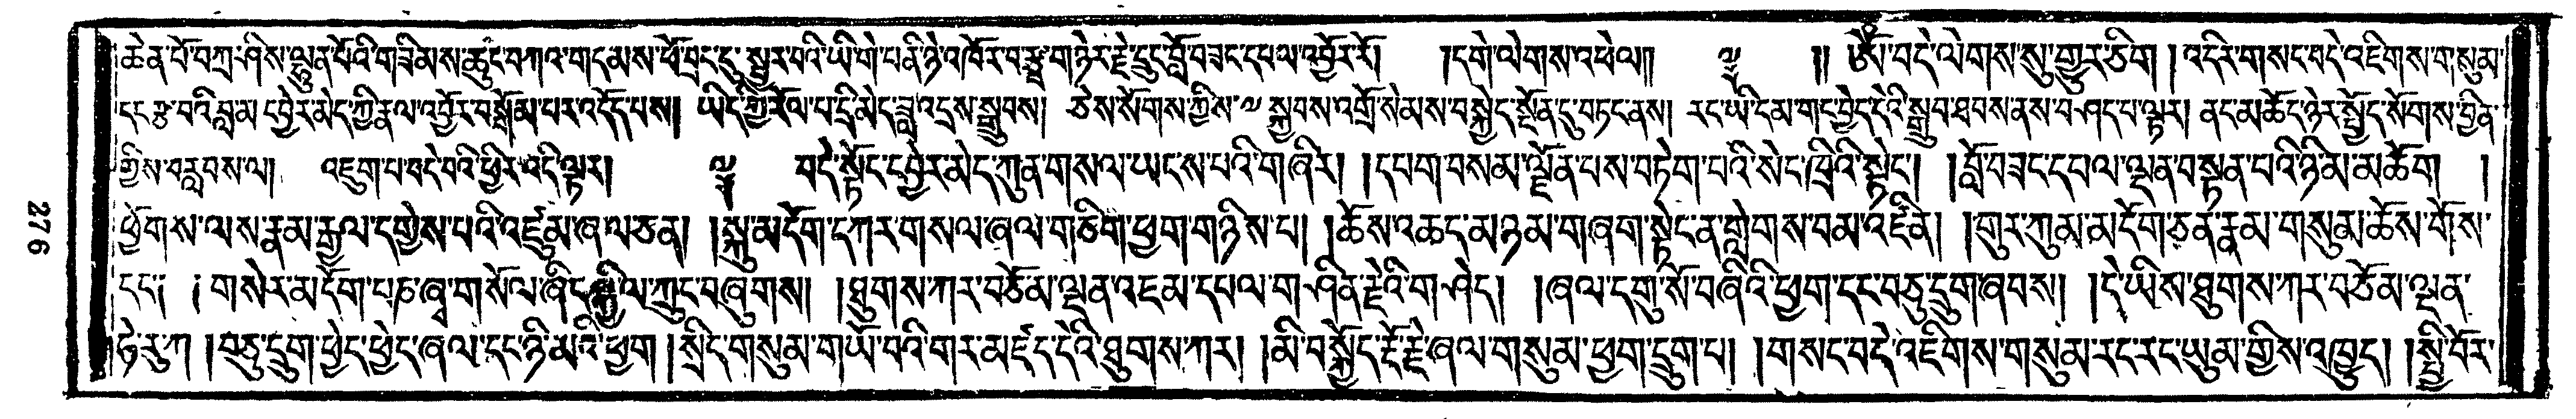ཆེན་པོ་བཀྲ་ཤིས་ལྷུན་པོའི་གཟིམས་ཆུང་བཀའ་གདམས་ཕོ་བྲང་དུ་སྦྱར་བའི་ཡི་གེ་པ་ནི་ཉེ་འཁོར་བ་རྩྭ་གཉེར་རྗེ་དྲུང་བློ་བཟང་དཔལ་འབྱོར་རོ། །དགེ་ལེགས་འཕེལ།། ༈ །།ཨོཾ་བདེ་ལེགས་སུ་གྱུར་ཅིག །འདིར་གསང་བདེ་འཇིགས་གསུམ་
དང་རྩ་བའི་བླ་མ་དབྱེར་མེད་ཀྱི་རྣལ་འབྱོར་བསྒོམ་པར་འདོད་པས། ཡིད་ཀྱི་རོལ་པ་དྲི་མེད་ཟླ་འདྲས་སྒྲུབས། ཅེས་སོགས་ཀྱིས་༧་སྐྱབས་འགྲོ་སེམས་བསྐྱེད་སྔོན་དུ་བཏང་ནས། རང་ཡི་དམ་གང་བྱེད་དེའི་སྒྲུབ་ཐབས་ནས་བཤད་པ་ལྟར། ནང་མཆོད་ཉེར་སྤྱོད་སོགས་བྱིན་
གྱིས་བརླབས་ལ། འཇུག་པ་བདེ་བའི་ཕྱིར་འདི་ལྟར། ༈ བདེ་སྟོང་དབྱེར་མེད་ཀུན་གསལ་ཡང་ས་པའི་གཞིར། །དཔག་བསམ་ལྗོན་པས་བཏེག་པའི་སེང་ཁྲིའི་སྟེང་། །བློ་བཟང་དཔལ་ལྡན་བསྟན་པའི་ཉི་མ་མཆོག །
ཕྱོགས་ལས་རྣམ་རྒྱལ་དགྱེས་པའི་འཛུམ་ཞལ་ཅན། །སྐུ་མདོག་དཀར་གསལ་ཞལ་གཅིག་ཕྱག་གཉིས་པ། །ཆོས་འཆད་མཉམ་གཞག་སྟེང་ན་གླེགས་བམ་འཛིན། །གུར་ཀུམ་མདོག་ཅན་རྣམ་གསུམ་ཆོས་གོས་
དང༑ ༑གསེར་མདོག་པཎ་ཞྭ་གསོལ་ཞིང་སྐྱིལ་ཀྲུང་བཞུགས། །ཐུགས་ཀར་བཅོམ་ལྡན་འཇམ་དཔལ་གཤིན་རྗེའི་གཤེད། །ཞལ་དགུ་སོ་བཞིའི་ཕྱག་དང་བཅུ་དྲུག་ཞབས། །དེ་ཡིས་ཐུགས་ཀར་བཅོམ་ལྡན་
ཧེ་རུ་ཀ། །བཅུ་དྲུག་ཕྱེད་ཕྱེད་ཞལ་དང་ཉི་མའི་ཕྱག །སྲིད་གསུམ་གཡོ་བའི་གར་མཛད་དེའི་ཐུགས་ཀར། །མི་བསྐྱོད་རྡོ་རྗེ་ཞལ་གསུམ་ཕྱག་དྲུག་པ། །གསང་བདེ་འཇིགས་གསུམ་རང་རང་ཡུམ་གྱིས་འཁྱུད། །སྤྱི་བོར་